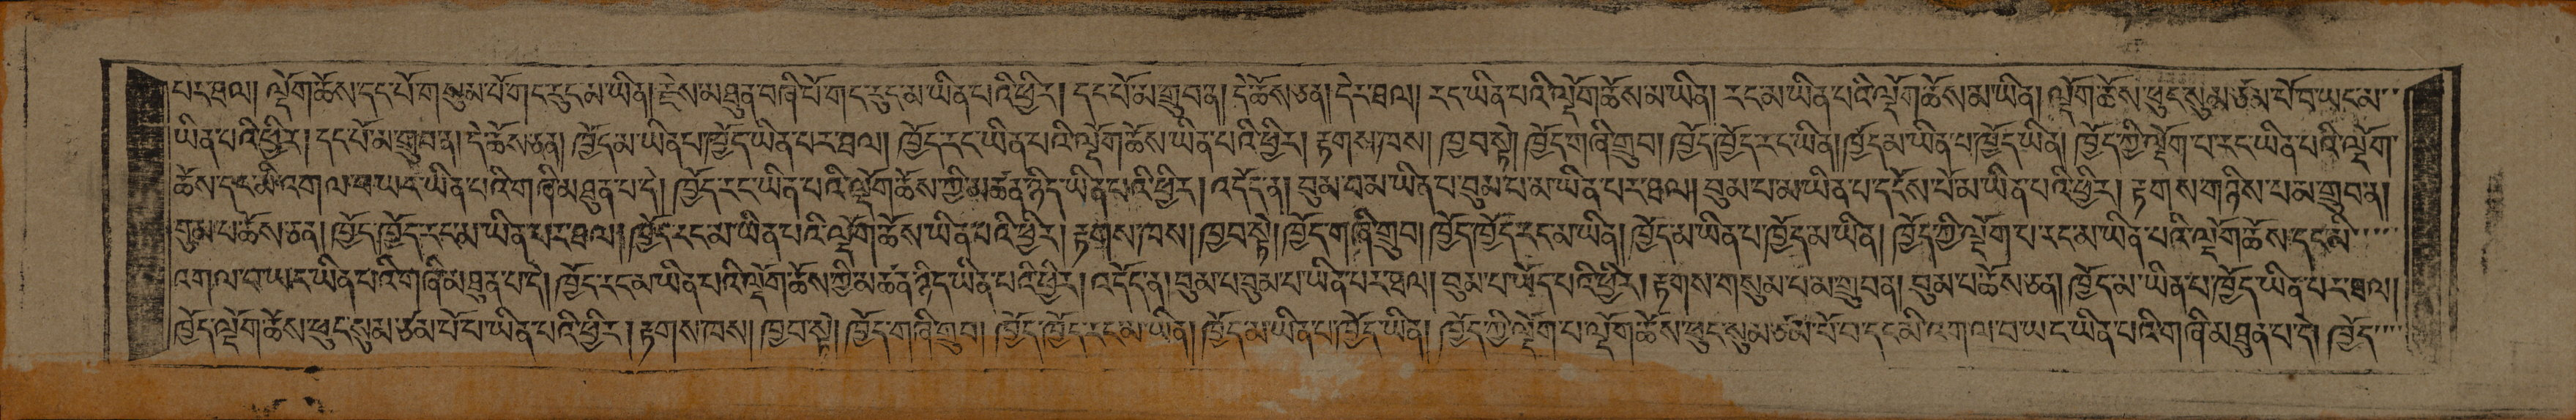པར་ཐལ། ལྡོག་ཆོས་དང་པོ་གསུམ་པོ་གང་རུང་མ་ཡིན། རྗེས་མཐུན་བཞི་པོ་གང་རུང་མ་ཡིན་པའི་ཕྱིར། དང་པོ་མ་གྲུབ་ན། དེ་ཆོས་ཅན། དེར་ཐལ། རང་ཡིན་པའི་ལྡོག་ཆོས་མ་ཡིན། རང་མ་ཡིན་པའི་ལྡོག་ཆོས་མ་ཡིན། ལྡོག་ཆོས་ཕུང་སུམ་ཙམ་པོ་བ་ཡང་མ་
ཡིན་པའི་ཕྱིར། དང་པོ་མ་གྲུབ་ན། དེ་ཆོས་ཅན། ཁྱོད་མ་ཡིན་པ་ཁྱོད་ཡིན་པར་ཐལ། ཁྱོད་རང་ཡིན་པའི་ལྡོག་ཆོས་ཡིན་པའི་ཕྱིར། རྟགས་ཁས། ཁྱབ་སྟེ། ཁྱོད་གཞི་གྲུབ། ཁྱོད་ཁྱོད་རང་ཡིན། ཁྱོད་མ་ཡིན་པ་ཁྱོད་ཡིན། ཁྱོད་ཀྱི་ལྡོག་པ་རང་ཡིན་པའི་ལྡོག་
ཆོས་དང་མི་འགལ་བ་ཡང་ཡིན་པའི་གཞི་མཐུན་པ་དེ། ཁྱོད་རང་ཡིན་པའི་ལྡོག་ཆོས་ཀྱི་མཚན་ཉིད་ཡིན་པའི་ཕྱིར། འདོད་ན། བུམ་བ་མ་ཡིན་པ་བུམ་པ་མ་ཡིན་པར་ཐལ། བུམ་པ་མ་ཡིན་པ་དངོས་པོ་མ་ཡིན་པའི་ཕྱིར། རྟགས་གཉིས་པ་མ་གྲུབ་ན།
བུམ་པ་ཆོས་ཅན། ཁྱོད་ཁྱོད་རང་མ་ཡིན་པར་ཐལ། ཁྱོད་རང་མ་ཡིན་པའི་ལྡོག་ཆོས་ཡིན་པའི་ཕྱིར། རྟགས་ཁས། ཁྱབ་སྟེ། ཁྱོད་གཞི་གྲུབ། ཁྱོད་ཁྱོད་རང་མ་ཡིན། ཁྱོད་མ་ཡིན་པ་ཁྱོད་མ་ཡིན། ཁྱོད་ཀྱི་ལྡོག་པ་རང་མ་ཡིན་པའི་ལྡོག་ཆོས་དང་མི་
འགལ་བ་ཡང་ཡིན་པའི་གཞི་མཐུན་པ་དེ། ཁྱོད་རང་མ་ཡིན་པའི་ལྡོག་ཆོས་ཀྱི་མཚན་ཉིད་ཡིན་པའི་ཕྱིར། འདོད་ན། བུམ་པ་བུམ་པ་ཡིན་པར་ཐལ། བུམ་པ་ཡོད་པའི་ཕྱིར། རྟགས་གསུམ་པ་མ་གྲུབ་ན། བུམ་པ་ཆོས་ཅན། ཁྱོད་མ་ཡིན་པ་ཁྱོད་ཡིན་པར་ཐལ།
ཁྱོད་ལྡོག་ཆོས་ཕུང་སུམ་ཙམ་པོ་པ་ཡིན་པའི་ཕྱིར། རྟགས་ཁས། ཁྱབ་སྟེ། ཁྱོད་གཞི་གྲུབ། ཁྱོད་ཁྱོད་རང་མ་ཡིན། ཁྱོད་མ་ཡིན་པ་ཁྱོད་ཡིན། ཁྱོད་ཀྱི་ལྡོག་པ་ལྡོག་ཆོས་ཕུང་སུམ་ཙམ་པོ་བ་དང་མི་འགལ་བ་ཡང་ཡིན་པའི་གཞི་མཐུན་པ་དེ། ཁྱོད་